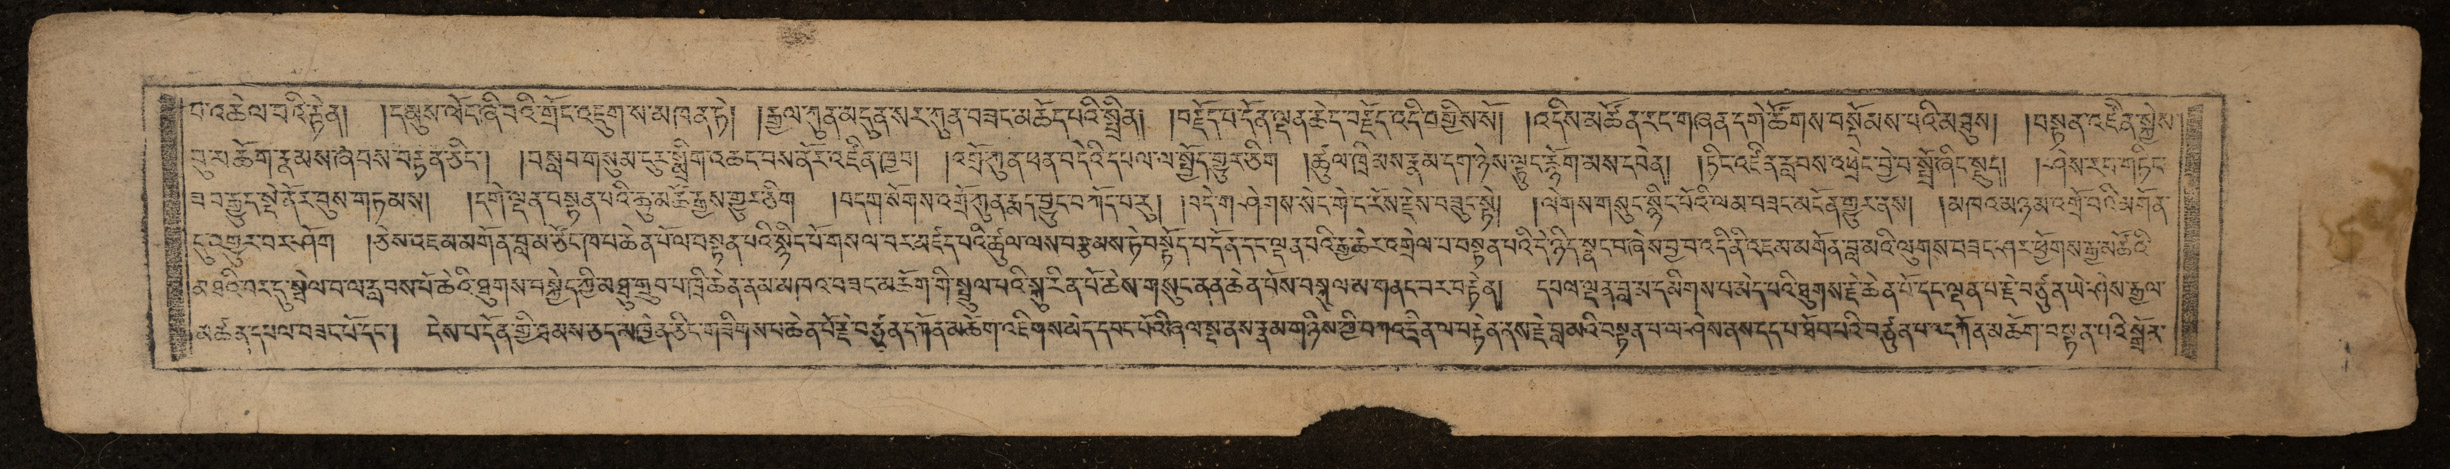པ་འཆེལ་ད་རི་རྟེན། །དམུས་ལོང་ཞི་བའི་གྲོང་འཇུགས་མཁན་ཏེ། །རྒྱལ་ཀུན་མདུན་སར་ཀུན་བཟང་མཆོད་པའི་སྤྲིན། །བརྗོད་པ་དོན་ལྡན་ཆེད་བརྗོད་འདི་བགྱིས་སོ། །འདིས་མཚོན་རང་གཞན་དགེ་ཚོགས་བསྡོམས་པའི་མཐུས། །བསྟན་འཛིན་སྐྱེས་
བུ་མཆོག་རྣམས་ཞབས་བརྟན་ཅིང་། །བསླབ་གསུམ་དུར་སྨྲིག་འཆང་བས་ནོར་འཛིན་ཁྱབ། །འགྲོ་ཀུན་ཕན་བདེའི་དཔལ་ལ་སྤྱོད་གྱུར་ཅིག །ཚུལ་ཁྲིམས་རྣམ་དག་ཉེས་ལྟུང་སྙོག་མས་དབེན། །ཏིང་འཛིན་རླབས་འཕྲེར་བྱེ་བ་སྤྲོ་ཞིང་སྡུད། །ཤེས་རབ་གཏིང་
ཟབ་རྒྱུད་སྡེ་ནོར་བུས་གཏམས། །དགེ་ལྡན་བསྟན་པའི་ཆུ་མཚོ་རྒྱས་གྱུར་ཅིག །བདག་སོགས་འགྲོ་ཀུན་རྨད་བྱུང་བཀོད་པ་རུ། །བདེ་གཤེགས་སེང་གེང་རོས་རྗེས་བཟུང་སྟེ། །ལེགས་གསུང་སྙིང་པོའི་ལམ་བཟང་མངོན་གྱུར་ནས། །མཁའ་མཉམ་འགྲོ་བའི་མགོན་
དུ་འགྱུར་བར་ཤོག །ཅེས་འཇམ་མགོན་བླ་མ་ཙོང་ཁ་པ་ཆེན་པོ་ལ་བསྟན་པའི་སྙིང་པོ་གསལ་བར་མཛད་པའི་ཚུལ་ལས་བརྩམས་ཉེ་བསྟོད་པ་དོན་དང་ལྡན་པའི་རྒྱ་ཆེར་འགྲེལ་བ་བསྟན་པའི་དེ་ཉིད་སྣང་བཞེས་བྱ་བ་འདི་ནི་འཇམ་མགོན་བླ་མའི་ལུགས་བཟང་ཤར་ཕྱོགས་རྒྱ་མཚོའི་
མཐའི་བར་དུ་སྤེལ་བ་ལ་རླབས་པོ་ཆེའི་ཐུགས་བསྐྱེད་ཀྱི་མཐུ་གྲུབ་པ་ཁྲི་ཆེན་ནམ་མཁའ་བཟང་མཆོག་གི་སྤྲུལ་པའི་སྐུ་རིན་པོ་ཆས་གསུང་ནན་ཆེན་པོས་བསྐུལ་མ་གནང་བར་བརྟེན། དཔལ་ལྡན་བླ་མ་དམིགས་པ་མེད་པའི་ཐུགས་རྗེ་ཆེན་པོ་དང་ལྡན་པ་རྗེ་བཙུན་ཡེ་ཤེས་རྒྱལ་
མཚན་དཔལ་བཟང་པོ་དང་། ངེས་པ་དོན་གྱི་ཐམས་ཅད་མཁྱེན་ཅིང་གཟིགས་པ་ཆེན་པོ་རྗེ་བཙུན་དཀོན་མཆོག་འཇིགས་མེད་དབང་པོའི་ཞལ་སྔ་ནས་རྣམ་གཉིས་ཀྱི་བཀའ་དྲིན་ལ་བརྟེན་ནས་རྗེ་བླ་མའི་བསྟན་པ་ལ་ཤེས་ནས་དང་པ་ཐོབ་པའི་བཙུན་པ་དཀོན་མཆོག་བསྟན་པའི་སྒྲོན་